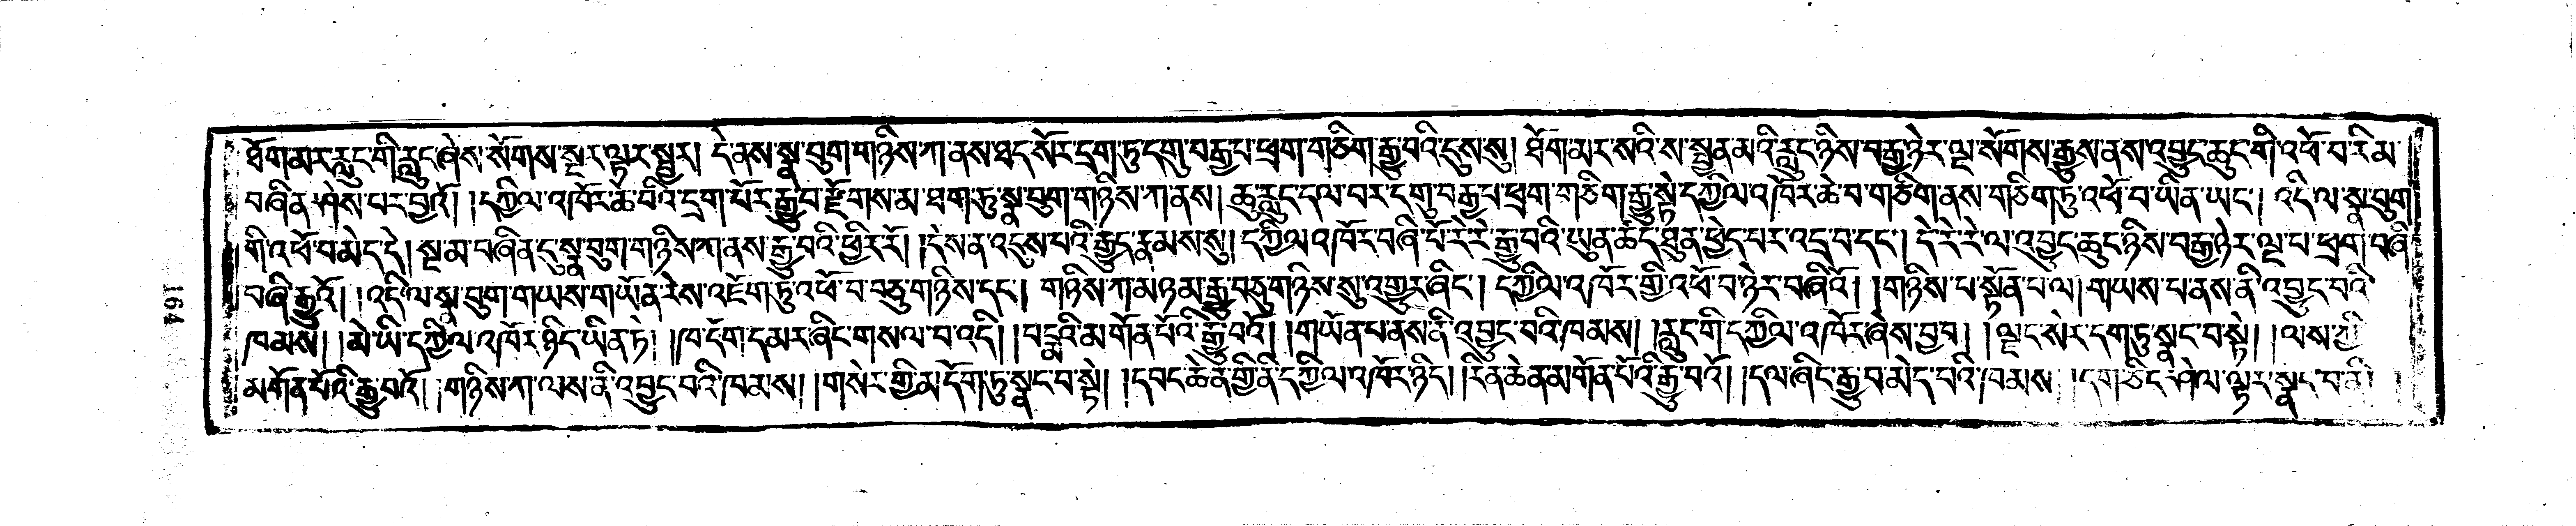ཐོག་མར་རླུང་གི་རླུང་ཞེས་སོགས་སྔར་ལྟར་སྦྱར། དེ་ནས་སྣ་བུག་གཉིས་ཀ་ནས་ཐད་སོར་དྲག་ཏུ་དགུ་བརྒྱ་པ་ཕྲག་གཅིག་རྒྱུ་བའི་དུས་སུ། ཐོག་མར་སའི་ས་སྤྱན་མའི་རླུང་ཉིས་བརྒྱ་ཉེར་ལྔ་སོགས་རྒྱུས་ནས་འབྱུང་ཆུང་གི་འཕོ་བ་རིམ་
བཞིན་ཤེས་པར་བྱའོ། །དཀྱིལ་འཁོར་ཚེ་བའི་དྲག་པོར་རྒྱུ་བ་རྫོགས་མ་ཐག་ཏུ་སྣ་བུག་གཉིས་ཀ་ནས། ཆུ་རླུང་དལ་བར་དགུ་བརྒྱ་པ་ཕྲག་གཅིག་རྒྱུ་སྟེ་དཀྱིལ་འཁོར་ཆེ་བ་གཅིག་ནས་གཅིག་ཏུ་འཕོ་བ་ཡིན་ཡང་། འདི་ལ་སྣ་བུག་
གི་འཕོ་བ་མེད་དོ། སྔ་མ་བཞིན་དུ་སྣ་བུག་གཉིས་ཀ་ནས་རྒྱུ་བའི་ཕྱིར་རོ། །དེས་ན་འདུས་པའི་རྒྱུད་རྣམས་སུ། དཀྱིལ་འཁོར་བཞི་པོ་རེ་རེ་རྒྱུ་བའི་ཡུན་ཚད་ཐུན་ཕྱེད་པར་འདྲ་བ་དང་། བཞི་རྒྱའོ། །འདི་ལ་སྣ་བུག་གཡས་གཡོན་རེས་འཇོག་ཏུ་འཕོ་བ་
བཞི་རྒྱའོ། །འདི་ལ་སྣ་བུག་གཡས་གཡོན་རེས་འཇོག་ཏུ་འཕོ་བ་བཅུ་གཉིས་དང་། གཉིས་ཀ་མཉམ་རྒྱུ་བཅུ་གཉིས་སུ་འགྱུར་ཞིང་། དཀྱིལ་འཁོར་གྱི་འཕོ་བ་ཉེར་བཞིའོ། །གཉིས་པ་སྟོན་པ་ལ། གཡས་པ་ནས་ནི་འབྱུང་བའི་
ཁམས། །མེ་ཡི་དཀྱིལ་འཁོར་ཉིད་ཡིན་ཏེ། །ཁ་དོག་དམར་ཞིང་གསལ་པ་འདི། །པདམའི་མགོན་པོའི་རྒྱུ་བའོ། །གཡོན་པ་ནས་ནི་འབྱུང་བའི་ཁམས། །རླུང་གི་དཀྱིལ་འཁོར་ཞེས་བྱ་བ། །ལྗང་སེར་དག་ཏུ་སྣང་བས་སྟེ། །ལས་ཀྱི་
མགོན་པོའི་རྒྱུ་བའོ། །གཉིས་ཀ་ལམ་ནི་འབྱུང་བའི་ཁམས། །གསེར་གྱི་མདོག་ཏུ་སྣང་བ་སྟེ། །དབང་ཆེན་གྱི་ནི་དཀྱིལ་འཁོར་ཉིད། །རིན་ཆེན་མགོན་པོའི་རྒྱུ་བའོ། །དལ་ཞིང་རྒྱུ་བ་མེད་པའི་ཁམས། །དག་ཅིང་ཤེལ་ལྟར་སྣང་བ་ནི། །